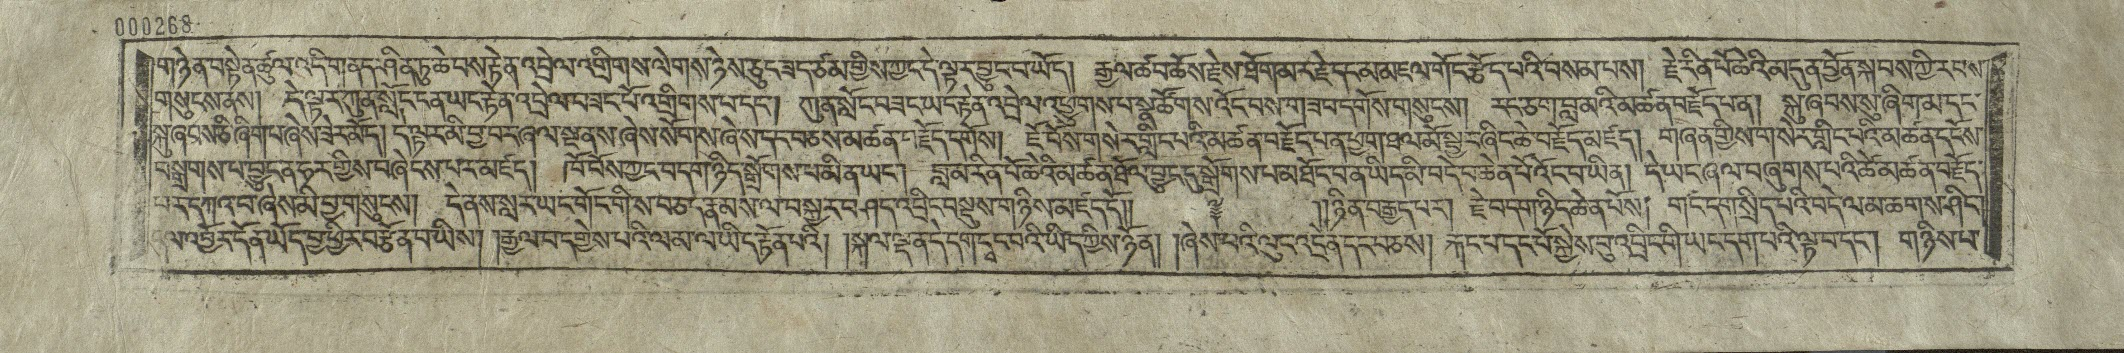གཉེན་བསྟེན་ཚུལ་འདི་གནད་ཤིན་ཏུ་ཆེ་བས་རྟེན་འབྲེལ་འགྲིགས་ལེགས་ཉེས་ཅུང་ཟད་ཙམ་གྱིས་ཀྱང་དེ་ལྟར་བྱུང་བ་ཡོད། རྒྱལ་ཚབ་ཆོས་རྗེས་ཐོག་མར་རྗེ་དང་མ་མཇལ་གོང་རྩོད་པའི་བསམ་པས། རྗེ་རིན་པོ་ཆེའི་མདུན་བྱོན་སྐབས་ཀྱི་རབས་
གསུངས་ནས། དེ་ལྟར་ཀུན་སློང་ངན་ཡང་རྟེན་འབྲེལ་བཟང་པོ་འགྲིགས་པ་དང་། ཀུན་སློང་བཟང་ཡང་རྟེན་འབྲེལ་འཕྱུགས་པ་སྣ་ཚོགས་འོང་བས་གཟབ་དགོས་གསུངས། རང་ཅག་བླ་མའི་མཚན་བརྗོད་པ་ན། སྐུ་ཞབས་སུ་ཞིག་མ་དང་
སྐུ་ཞབས་ཅི་ཞིག་པ་ཞེས་ཟེར་མོད། དེ་ལྟར་མི་བྱ་བར་ཞལ་སྔ་ནས་ཞེས་སོགས་ཞེ་ས་དང་བཅས་མཚན་བརྗོད་དགོས། ཇོ་བོས་གསེར་གླིང་པའི་མཚན་བརྗོད་པ་ན་ཕྱག་ཐལ་མོ་སྦྱར་ཞིང་ཆེ་བརྗོད་མཛད། གཞན་གྱིས་གསེར་གླིང་པའི་མཚན་དངོས་
བསྒྲགས་པ་བྱུང་ན་ཧར་གྱིས་བཞེངས་པར་མཛད། ཁོ་བོས་ཀྱང་བདག་ཉིད་སྒྲོགས་པ་མིན་ཡང་། བླ་མ་རིན་པོ་ཆེའི་མཚན་ཐོལ་བྱུང་དུ་སྒྲོགས་པ་མཐོང་བ་ན་ཡིད་མི་བདེ་བ་ཆེན་པོ་འོང་བ་ཡིན། དེ་ཡང་ཞལ་བཞུགས་པའི་ཚེ་མཚན་བརྗོད་
པར་དཀའ་བ་ཞེས་མི་བྱ་གསུངས། དེ་ནས་སླར་ཡང་གོང་གི་ས་བཅད་རྣམས་ལ་བསྐྱར་བཤད་འབྲིང་བསྡུས་གཉིས་མཛད་དོ།། ༈ །།ཉིན་བརྒྱད་པར། རྗེ་བདག་ཉིད་ཆེན་པོས། གང་དག་སྲིད་པའི་བདེ་ལ་མ་ཆགས་ཤིང་
དལ་འབྱོར་དོན་ཡོད་བྱ་ཕྱིར་བརྩོན་པ་ཡིས། །རྒྱལ་བ་དགྱེས་པའི་ལམ་ལ་ཡིད་རྟོན་པའི། །སྐལ་ལྡན་དེ་དག་དྭང་བའི་ཡིད་ཀྱིས་ཉོན། །ཞེས་པའི་ལུང་འདྲེན་དང་བཅས། རྐང་པ་དང་པོ་སྐྱེས་བུ་འབྲིང་གི་ཡང་དག་པའི་ལྟ་བ་དང་། གཉིས་པ་